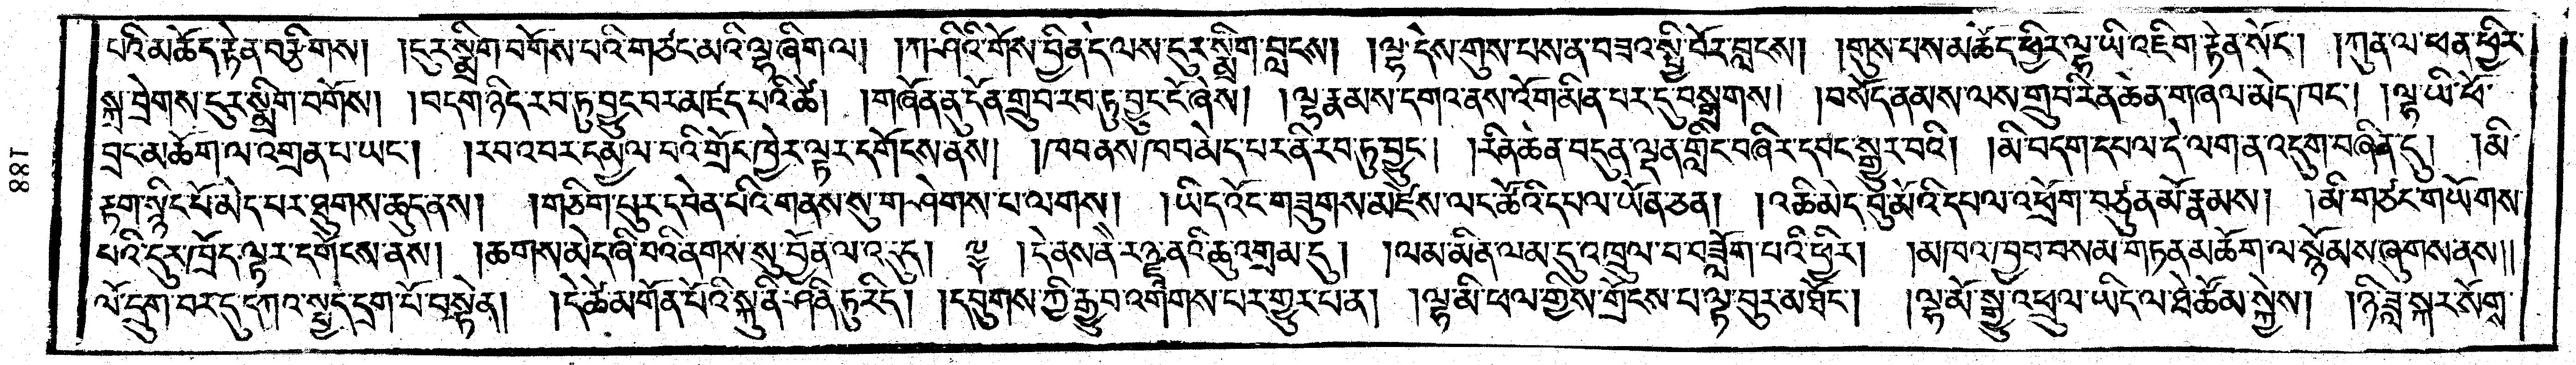པའི་མཆོད་རྟེན་བརྩིགས། །དུར་སྨྲིག་བགོས་པའི་གཙང་མའི་ལྷ་ཞིག་ལ། །ཀ་ཤིའི་གོས་བྱིན་དེ་ལས་དུར་སྨྲིག་བླངས། །ལྷ་དེས་གུས་པས་ན་བཟའ་སྤྱི་བོར་བླངས། །གུས་པས་མཆོད་ཕྱིར་ལྷ་ཡི་འཇིག་རྟེན་སོང་། །ཀུན་ལ་ཕན་ཕྱིར་
སྐྲ་བྲེགས་དུར་སྨྲིག་བགོས། །བདག་ཉིད་རབ་ཏུ་བྱུང་བར་མཛད་པའི་ཚེ། །གཞོན་ནུ་དོན་གྲུབ་རབ་ཏུ་བྱུང་ངོ་ཞེས། །ལྷ་རྣམས་དགའ་ནས་འོག་མིན་པར་དུ་བསྒྲགས། །བསོད་ནམས་ལས་གྲུབ་རིན་ཆེན་གཞལ་མེད་ཁང་། །ལྷ་ཡི་ཕོ་
བྲང་མཆོག་ལ་འགྲན་པ་ཡང་། །རབ་འབར་དམྱལ་བའི་གྲོང་ཁྱེར་ལྟར་དགོངས་ནས། །ཁབ་ནས་ཁབ་མེད་པར་ནི་རབ་ཏུ་བྱུང་། །རིན་ཆེན་བདུན་ལྡན་གླིང་བཞིར་དབང་སྒྱུར་བའི། །མི་བདག་དཔལ་དེ་ལག་ན་འདུག་བཞིན་དུ། །མི་
རྟག་སྙིང་པོ་མེད་པར་ཐུགས་ཆུད་ནས། །གཅིག་པུར་དབེན་པའི་གནས་སུ་གཤེགས་པ་ལགས། །ཡིད་འོང་གཟུགས་མཛེས་ལང་ཚོའི་དཔལ་ཡོན་ཅན། །འཆི་མེད་བུ་མོའི་དཔལ་འཕྲོག་བཙུན་མོ་རྣམས། །མི་གཙང་གཡོགས་
པའི་དུར་ཁྲོད་ལྟར་དགོངས་ནས། །ཆགས་མེད་ཞི་བའི་ནགས་སུ་བྱོན་ལ་འདུད། ༈ །དེ་ནས་ནཻ་རཉྫཱ་ནའི་ཆུ་འགྲམ་དུ། །ལམ་མིན་ལམ་དུ་འཁྲུལ་བ་བཟློག་པའི་ཕྱིར། །མཁའ་ཁྱབ་བསམ་གཏན་མཆོག་ལ་སྙོམས་ཞུགས་ནས།།
ལོ་དྲུག་བར་དུ་དཀའ་སྤྱད་དྲག་པོ་བསྟེན། །དེ་ཚེ་མགོན་པོའི་སྐུ་ནི་ཤིན་ཏུ་རིད། །དབུགས་ཀྱི་རྒྱུ་བ་འགགས་པར་གྱུར་པ་ན། །ལྷ་མི་ཕལ་གྱིས་གྲོངས་པ་ལྟ་བུར་མཐོང་། །ལྷ་མོ་སྒྱུ་འཕྲུལ་ཡིད་ལ་ཐེ་ཚོམ་སྐྱེས། །ཉི་ཟླ་སྐར་སོགས་